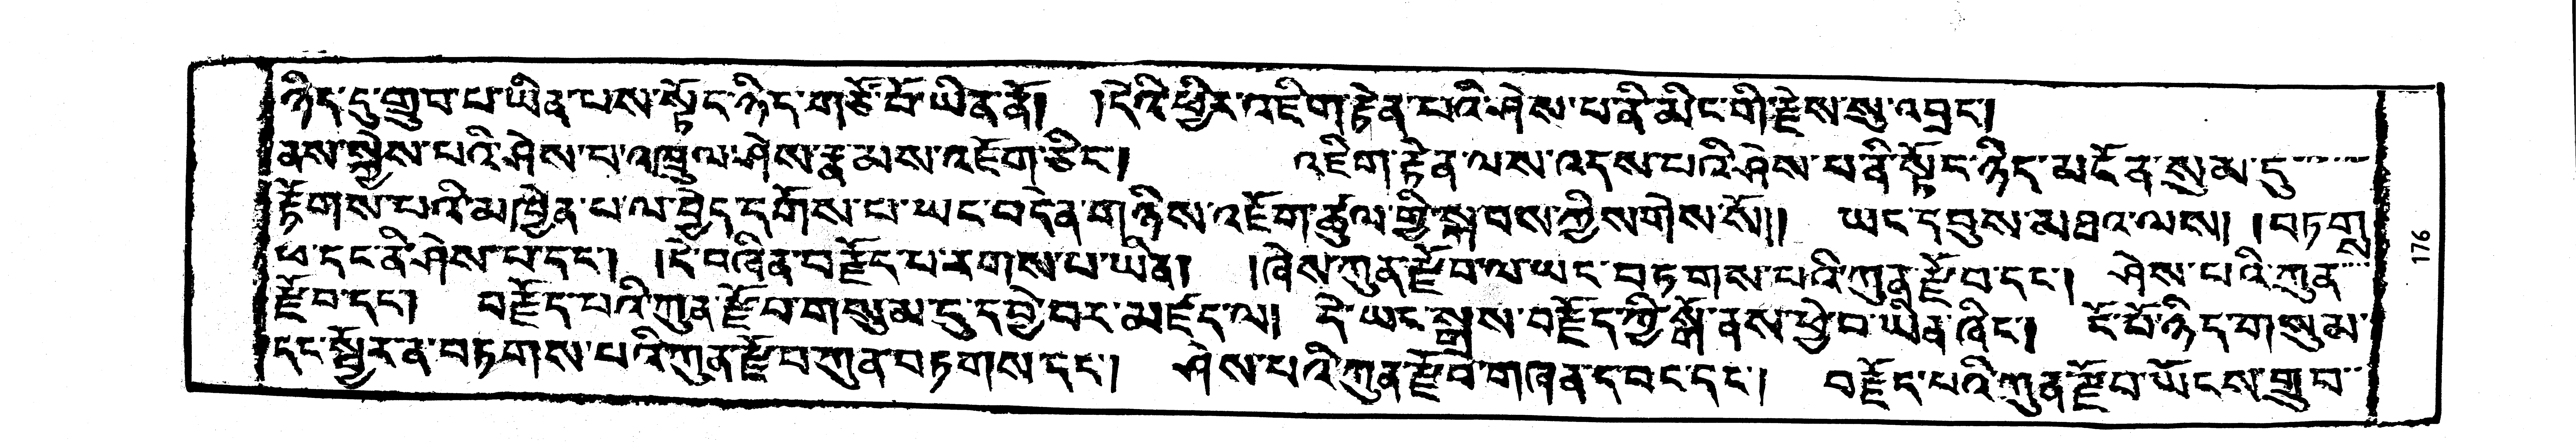ཉིད་དུ་གྲུབ་པ་ཡིན་པས་སྟོང་ཉིད་གཙོ་བོ་ཡིན་ནོ། །དེའི་ཕྱིར་འཇིག་རྟེན་པའི་ཤེས་པ་ནི་མིང་གི་རྗེས་སུ་འབྲང་།
ནས་སྐྱེས་པའི་ཤེས་པ་འཁྲུལ་ཤེས་རྣམས་འཇོག་ཅིང་། འཇིག་རྟེན་ལས་འདས་པའི་ཤེས་པ་ནི་སྟོང་ཉིད་མངོན་སུམ་དུ་
རྟོགས་པའི་མཁྱེན་པ་ལ་བྱེད་དགོས་པ་ཡང་བདེན་གཉིས་འཇོག་ཚུལ་གྱི་སྐབས་ཀྱིས་གེས་སོ། །ཡང་དབུས་མཐའ་ལས། །བཏགས་
ཕ་དང་ནི་ཤེས་པ་དང་། །དེ་བཞིན་བརྗོད་པ་རགས་པ་ཡིན། །ཞེས་ཀུན་རྫོབ་ལ་ཡང་བཏགས་པའི་ཀུན་རྫོབ་དང་། ཤེས་པའི་ཀུན་
རྫོབ་དང་། བརྗོད་པའི་ཀུན་རྫོབ་གསུམ་དུ་དབྱེ་བར་མཛད་ལ། དེ་ཡང་སྒྲས་བརྗོད་ཀྱི་སྒོ་ནས་ཕྱེ་བ་ཡིན་ཞིང་། ངོ་བོ་ཉིད་གསུམ་
དང་སྦྱོར་ན་བཏགས་པའི་ཀུན་རྫོབ་ཀུན་བཏགས་དང་། ཤེས་པའི་ཀུན་རྫོབ་གཞན་དབང་དང་། བརྗོད་པའི་ཀུན་རྫོབ་ཡོངས་གྲུབ་